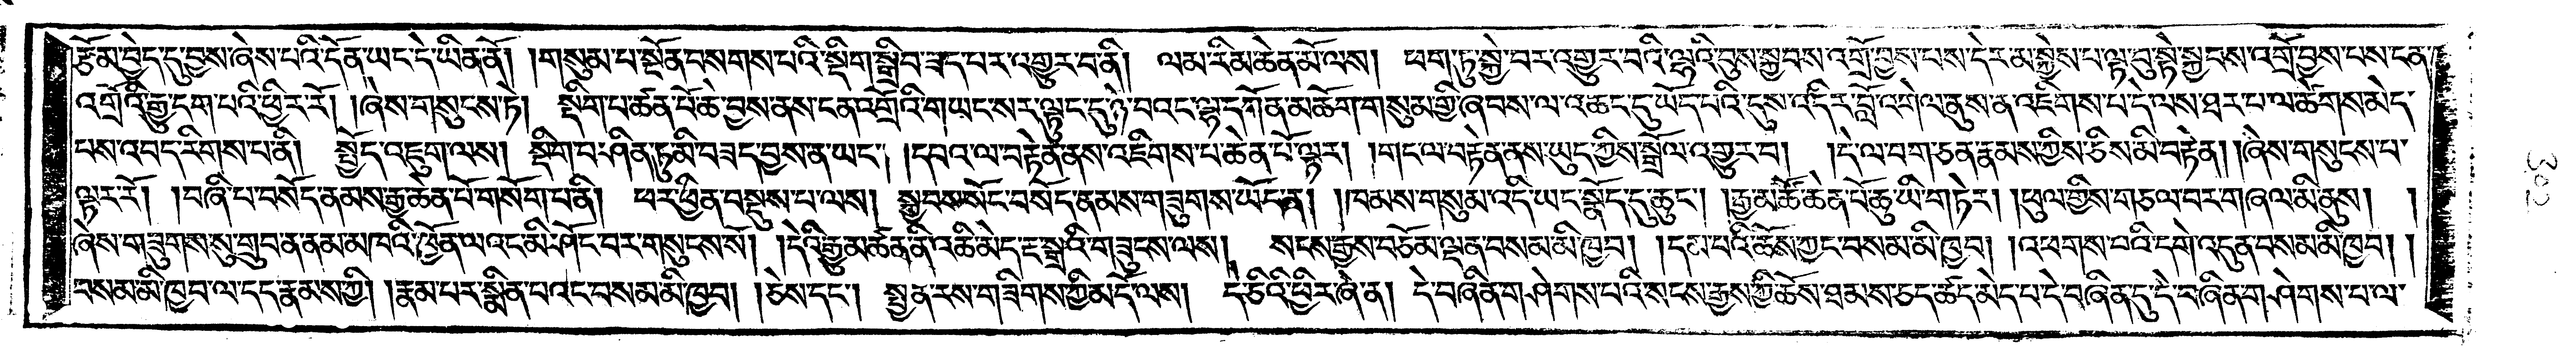རྩོམ་བྱེད་དུ་བྱས་ཞེས་པའི་དོན་ཡང་དེ་ཡིན་ནོ། །གསུམ་པ་སྔོན་བསགས་པའི་སྡིག་སྒྲིབ་ཟད་པར་འགྱུར་བ་ནི། ལམ་རིམ་ཆེན་མོ་ལས། ཕག་ཏུ་སྐྱེས་བར་འགྱུར་བའི་ལྷའི་དུས་སྐྱབས་འགྲོ་བྱས་པས་དེར་མ་སྐྱེས་པ་ལྟ་བུ་སྟེ་སྐྱབས་འགྲོ་བྱས་པས་དམ་
འགྲོའི་རྒྱུ་དག་པའི་ཕྱིར་རོ། །ཞེས་གསུངས་ཏེ། སྡིག་པ་ཚན་པོ་ཆེ་བྱས་ནས་ངན་འགྲོའི་གཡང་སར་ལྟུང་དུ་ཉེ་བའང་ལྷ་དཀོན་མཆོག་གསུམ་གྱི་ཞབས་ལ་འཆང་དུ་ཡོད་པའི་དུས་འདིར་བློ་འགེལ་ནུས་ན་འཇིགས་པ་དེ་ལས་ཐར་པ་ལ་ཚོགས་མེད་
པས་འབད་རིགས་པ་ནི། སྤྱོད་འཇུག་ལས། སྡིག་བ་ཤིན་ཏུ་མི་བཟད་བྱས་ན་ཡང་། །དཔའ་ལ་བརྟེན་ནས་འཇིགས་པ་ཆེན་པོ་ལྟར། །གང་ལ་བརྟེན་ནས་ཡུད་ཀྱིས་སྒྲོལ་འགྱུར་བ། །དེ་ལ་བག་ཅན་རྣམས་ཀྱིས་ཅིས་མི་བརྟེན། །ཞེས་གསུངས་པ་
ལྟར་རོ། །བཞི་པ་བསོད་ནམས་རྒྱུ་ཆེན་པོ་གསོག་བ་ནི། ཕར་ཕྱིན་བསྡུས་པ་ལས། སྐྱབས་སོང་བསོད་ནམས་གཟུགས་ཡོད་ན། །ཁམས་གསུམ་འདི་ཡང་སྣོད་དུ་ཆུང་། །རྒྱ་མཚོ་ཆེན་པོ་ཆུ་ཡི་གཏེར། །ཕུལ་གྱིས་གཅལ་བར་གཞལ་མི་ནུས།།
ཞེས་གཟུགས་སུ་གྲུབ་ན་ནམ་མཁའི་ཁྱོན་ལའང་མི་ཤོང་བར་གསུངས་སོ། །དེའི་རྒྱུ་མཚན་ནི་འཆི་མེད་རྔ་སྒྲའི་གཟུངས་ལས། སངས་རྒྱས་བཅོམ་ལྡན་བསམ་མི་ཁྱབ། །དམ་པའི་ཆོས་ཀྱང་བསམ་མི་ཁྱབ། །འཕགས་པའི་དགེ་འདུན་བསམ་མི་ཁྱབ། །
བསམ་མི་ཁྱབ་ལ་དད་རྣམས་ཀྱི། །རྣམ་པར་སྨིན་པའང་བསམ་མི་ཁྱབ། །ཅེས་དང་། སྤྱན་རས་གཟིགས་ཀྱི་མདོ་ལས། དེ་ཅིའི་ཕྱིར་ཞེ་།ན། དེ་བཞིན་གཤེགས་པའི་སངས་རྒྱས་ཀྱི་ཆོས་ཐམས་ཅད་ཚད་མེད་པ་དེ་བཞིན་དུ་དེ་བཞིན་གཤེགས་པ་ལ་